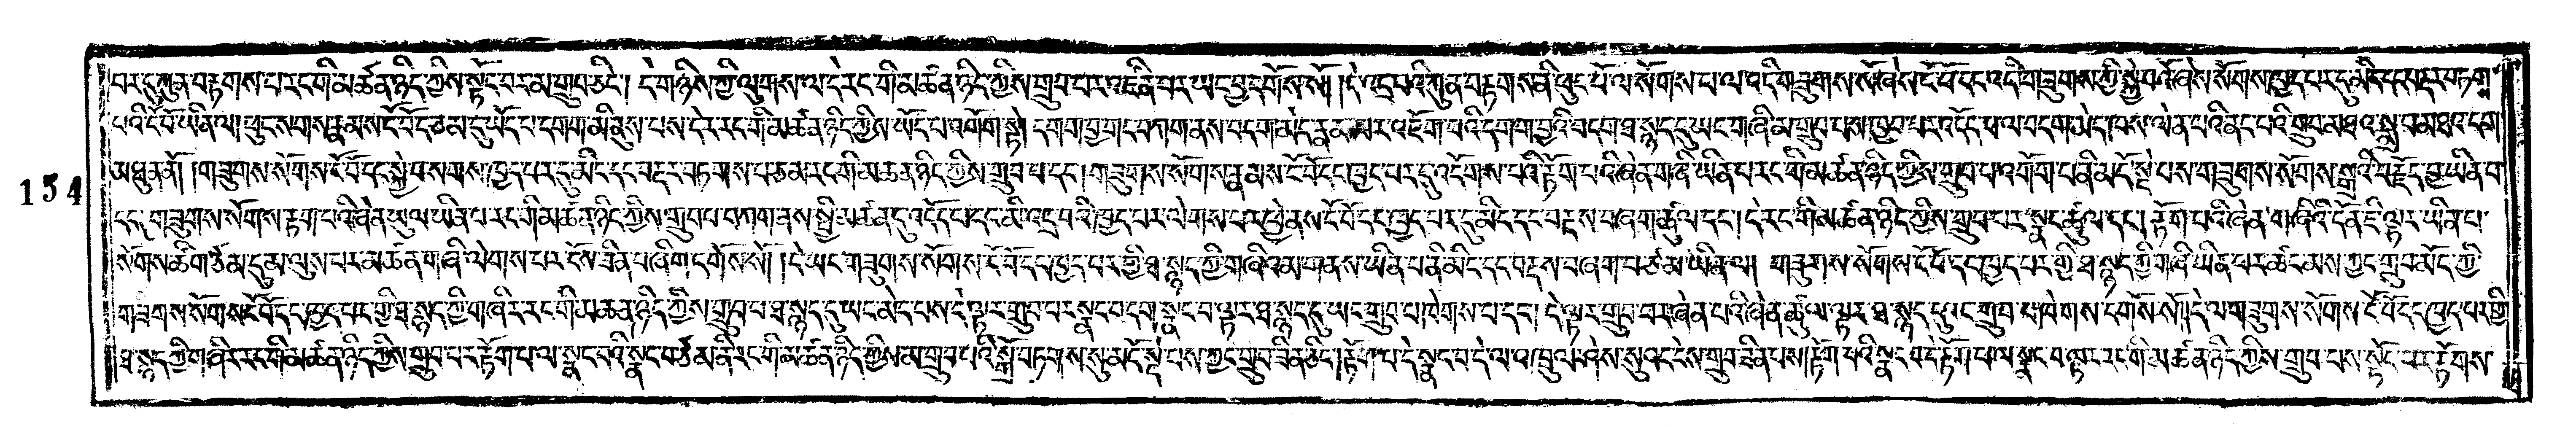པར་དུ་ཀུན་བརྟགས་པ་རང་གི་མཚན་ཉིད་ཀྱིས་སྟོང་བར་མ་གྲུབ་ཅིང་། དེ་གཉིས་ཀྱི་ལུགས་ལ་དེ་རང་གི་མཚན་ཉིད་ཀྱིས་གྲུབ་བར་འཛིན་པར་ཡང་བྱ་དགོས་སོ། །དེ་འདྲ་བའི་ཀུན་བརྟགས་ནི་ཕུང་པོ་ལ་སོགས་པ་ལ་འདི་གཟུགས་སོ་ཞེས་ངོ་བོ་དང་འདི་གཟུགས་ཀྱི་སྐྱེ་བའོ་ཞེས་སོགས་ཁྱད་པར་དུ་མིང་དང་བརྡར་བཏགས་
པའི་ངོ་བོ་ཡིན་ལ། ཕུང་སགས་རྣམས་ངོ་བོ་ད་ཅམ་དུ་ཡོད་པ་དགག་མི་ནུས་པས་དེར་རང་གི་མཚན་ཉིད་ཀྱིས་ཡོང་པ་འགོག་སྟེ། དགག་བྱ་གང་བཀག་ནས་བདག་མེད་རྣམ་པར་འཇོག་པའི་དགག་བྱའི་བདག་ཐ་སྙད་དུ་ཡང་གཞི་མ་གྲུབ་པས་ཁྱབ་པར་འདོད་པ་ལ་བདག་མེད་ཁས་ལེན་པའི་ནང་པའི་གྲུབ་མཐའ་སྨྲ་བ་མཐའ་དག་
མཐུན་ནོ། ༑གཟུགས་སོགས་ངོ་བོ་དང་སྐྱེ་བ་སགས་ཁྱད་པར་དུ་མིང་དང་བརྡར་བཏགས་པ་ཅམ་རང་གི་མཚན་ཉིད་ཀྱིས་གྲུབ་པ་དང་། གཟུགས་སོགས་རྣམས་ངོ་བོ་དང་ཁྱད་པར་དུ་འདོགས་པའི་རྟོག་པའི་ཞེན་གཞི་ཡིན་པ་རང་གི་མཚན་ཉིད་ཀྱིས་གྲུབ་པ་འགོག་པ་ནི་མདོ་སྡེ་པས་གཟུགས་སོགས་སྒྲའི་བརྗོད་བྱ་ཡིན་བ་
དང༑ གཟུགས་སོགས་རྟག་པའི་ཞེན་ཡུལ་ཡིན་པ་རང་གི་མཚན་ཉིད་ཀྱིས་གྲུབ་པ་བཀག་ནས་སྤྱི་མཚན་དུ་འདོད་པ་དང་མི་འདྲ་བའི་ཁྱད་པར་ལེགས་པར་ཕྱེ་ནས་ངོ་བོ་དང་ཁྱད་པར་དུ་མིང་དང་བརྡས་བཞག་ཚུལ་དང་། དེ་རང་གི་མཚན་ཉིད་ཀྱིས་གྲུབ་པར་སྣང་ཚུལ་དང་། རྟོག་པའི་ཞེན་གཞིའི་དོན་ཇི་ལྟར་ཡིན་པ་
སོགས་ཚིག་ཙམ་དུ་མ་ལུས་པར་མཚན་གཞི་ལེགས་པར་ངོས་ཟིན་པ་ཞིག་དགོས་སོ། །དེ་ཡང་གཟུགས་སོགས་ངོ་བོ་དང་ཁྱད་པར་གྱི་ཐ་སྙད་ཀྱི་གཞིའམ་གནས་ཡིན་པ་ནི་མིང་དང་བརྡས་བ་ཞག་པ་ཙམ་ཡིན་ལ། གཟུགས་སོགས་ངོ་བོ་དང་ཁྱད་པར་གྱི་ཐ་སྙད་ཀྱི་གཞི་ཡིན་པར་ཚང་མས་བྱང་གྲུབ་མོད་ཀྱི་
གཟགས་སོགས་ངོ་བོ་དང་ཁྱད་པར་གྱི་ཐ་སྙད་ཀྱི་གཞིར་རང་གི་མཚན་ཉིད་ཀྱིས་གྲུབ་པ་ཐ་སྙད་དུ་ཡང་མེད་པས་དེ་ལྟར་གྲུབ་པར་སྣང་བ་དག་སྣང་བ་ལྟར་ཐ་སྙད་དུ་ཡང་གྲུབ་པ་ཁེགས་པ་དང་། དེ་ལྟར་གྲུབ་པར་ཞེན་པའི་ཞེན་ཚུལ་ལྟར་ཐ་སྙད་དུའང་གྲུབ་པ་ཁེགས་དགོས་སོ། །དེ་ལ་གཟུགས་སོགས་ངོ་བོ་དང་ཁྱད་པར་གྱི་
ཐ་སྙད་ཀྱི་གཞིར་རང་གི་མཚན་ཉིད་ཀྱིས་གྲུབ་པར་རྟོག་པ་ལ་སྣང་བའི་སྣང་བ་ཙམ་ནི་རང་གི་མཚན་ཉིད་ཀྱིས་མ་གྲུབ་པའི་སྒྲོ་བཏགས་སུ་མདོ་སྡེ་པས་ཀྱང་གྲུབ་ཟིན་ཅིང་། རྟོག་པ་དེ་སྣང་བ་དེ་ལ་འཁྲུལ་ཤེས་སུའང་ངེས་གྲུབ་ཟིན་པས། རྟོག་པའི་སྣང་བར་རྟོག་པ་ལ་སྣང་དེ་ལྟར་རང་གི་མཚན་ཉིད་ཀྱིས་གྲུབ་པས་སྟོང་པར་རྟོགས་